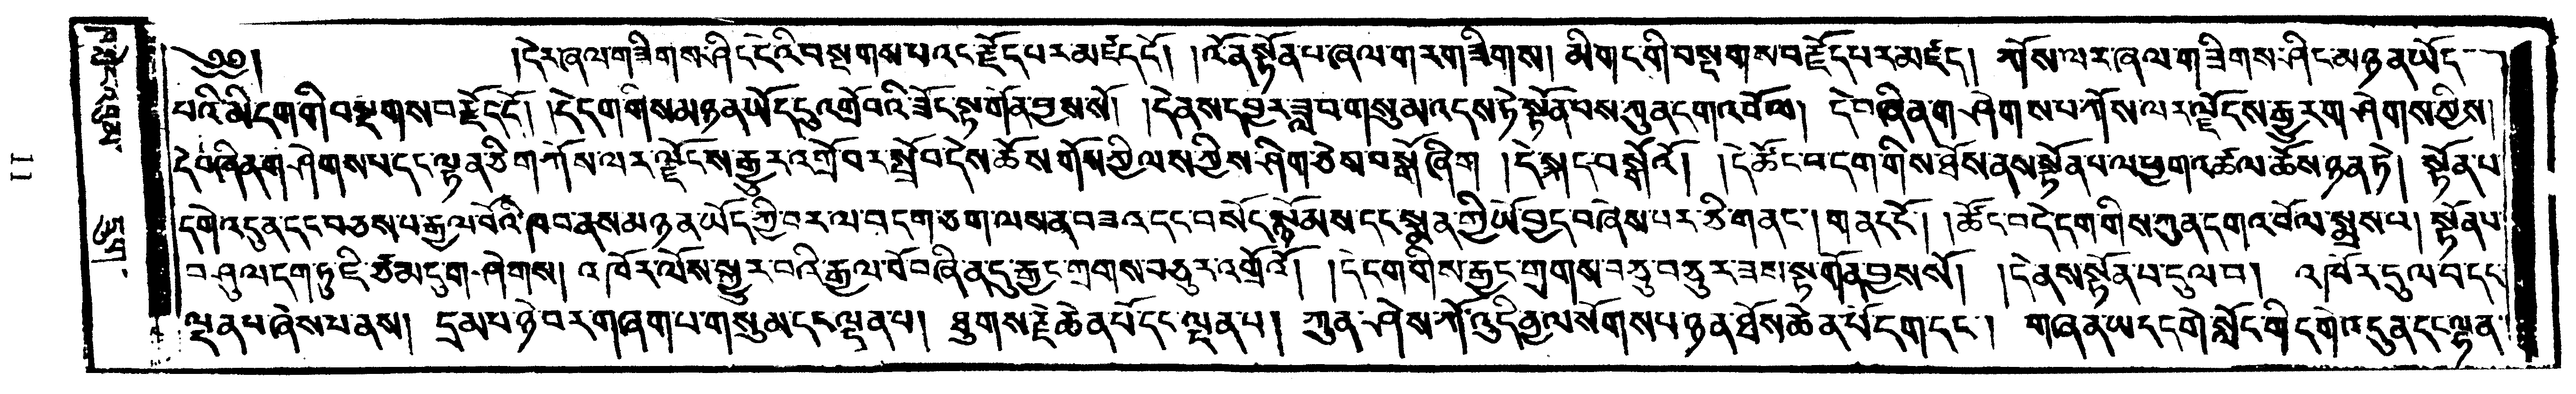༄༅། །དེར་ཞལ་གཟིགས་ཤིང་དེའི་བསྔགས་པའང་རྗོད་པར་མཛད་དོ། །འོ་ན་སྟོན་པ་ཞལ་གར་གཟིགས། མི་གང་གི་བསྔགས་བརྗོད་པར་མཛད། ཀོས་ལར་ཞལ་གཟིགས་ཤིང་མཉན་ཡོད་
པའི་མི་དག་གི་བསྔགས་བརྗོད་དོ། །དེ་དག་གིས་མཉན་ཡོད་དུ་འགྲོ་བའི་ཟོང་སྟ་གོན་བྱས་སོ། །དེ་ནས་དབྱར་ཟླ་བ་གསུམ་འདས་ཏེ་སྟོན་པས་ཀུན་དགའ་བོ་ལ། དེ་བཞིན་གཤེགས་པ་ཀོས་ལར་ལྗོངས་རྒྱུར་གཤེགས་ཀྱིས།
དེ་བཞིན་གཤེགས་པ་དང་ལྟན་ཅིག་ཀོས་ལར་ལྗོངས་རྒྱུར་འགྲོ་བར་སྤྲོ་བ་དེས་ཆོས་གོས་ཀྱི་ལས་ཀྱིས་ཤིག་ཅེས་བསྒོ་ཞིག །དེ་སྐད་བསྒོའོ། །དེ་ཚོང་བ་དག་གིས་ཐོས་ནས་སྟོན་པ་ལ་ཕྱག་འཚལ་ཆོས་ཉན་ཏེ། སྟོན་པ་
དགེ་འདུན་དང་བཅས་པ་རྒྱལ་པོའི་ཁབ་ནས་མཉན་ཡོད་ཀྱི་བར་ལ་བདག་ཅག་ལས་ན་བཟའ་དང་བསོད་སྙོམས་དང་སྨན་གྱི་ཡོ་བྱད་བཞེས་པར་ཅི་གནང་། གནང་ངོ། །ཚོང་བདེ་དག་གིས་ཀུན་དགའ་བོ་ལ་སྨྲས་པ། སྟོན་པ་
བཤུལ་དག་ཏུ་ཇི་ཙམ་དུ་གཤེགས། འཁོར་ལོས་སྒྱུར་བའི་རྒྱལ་བོ་བཞིན་དུ་རྒྱང་གྲགས་བཅུར་འགྲོའོ། །དེ་དག་གིས་རྒྱང་གྲགས་བཅུ་བཅུར་ཟས་སྟ་གོན་བྱས་སོ། །དེ་ནས་སྟོན་པ་དུལ་བ། འཁོར་དུ་ལ་བ་དང་
ལྡན་པ་ཞེས་པ་ནས། དྲམ་པ་ཉེ་བར་གཞག་པ་གསུམ་དང་ལྡན་པ། ཐུགས་རྗེ་ཆེན་པོ་དང་ལྡན་པ། ཀུན་ཤེས་ཀོ་འདི་ནྱ་ལ་སོགས་པ་ཉན་ཐོས་ཆེན་པོ་ངག་དང་། གཞན་ཡང་དགེ་སློང་གི་དགེ་འདུན་དང་ལྷན་